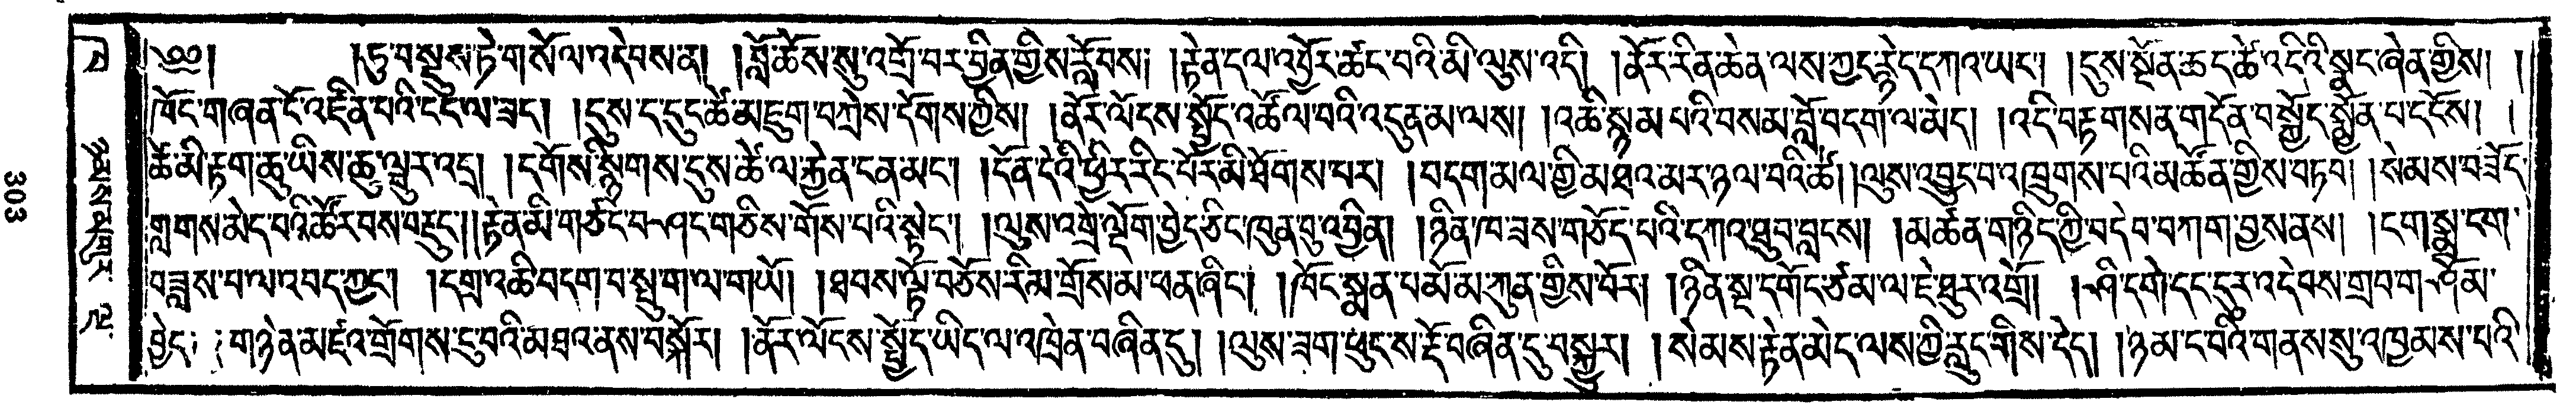༄༅། །ཏུ་བསྡུས་ཏེ་གསོལ་འདེབས་ན། །བློ་ཆོས་སུ་འགྲོ་བར་བྱིན་གྱིས་རློབས། །རྟེན་དལ་འབྱོར་ཚང་བའི་མི་ལུས་འདི། །ནོར་རིན་ཆེན་ལས་ཀྱང་རྙེད་དཀའ་ཡང་། །དུས་སྔོན་ཆད་ཚེ་འདིའི་སྣང་ཞེན་གྱིས། །
ཁོང་གཞན་ངོ་འཛིན་པའི་ངང་ལ་ཟད། །དུས་ད་དུང་ཚེ་མཇུག་བཀྲེས་དོགས་ཀྱིས། །ནོར་ལོངས་སྤྱོད་འཚོལ་བའི་འདུན་མ་ལས། །འཆི་སྙམ་པའི་བསམ་བློ་བདག་ལ་མེད། །འདི་བརྟགས་ན་གདོན་བསྐྱོད་སྨྱོན་པ་དངོས། །
ཚེ་མི་རྟག་ཆུ་ཡིས་ཆུ་ཝུར་འདྲ། །དགོས་སྙིགས་དུས་ཚེ་ལ་རྐྱེན་ངན་མང་། །དོན་དེའི་ཕྱིར་རིང་པོར་མི་ཐོགས་པར། །བདག་མལ་གྱི་མཐའ་མར་ཉལ་བའི་ཚེ། །ལུས་འབྱུང་བ་འཁྲུགས་པའི་མཚོན་གྱིས་བཏབ། །སེམས་བཟོད་
གླགས་མེད་པའི་ཚོར་བས་བརྡུང་། །རྟེན་མི་གཙང་བཤང་གཅིས་གོས་པའི་སྟེང་། །ལུས་འགྲེ་ལྡོག་བྱེད་ཅིང་ཁུན་བུ་འབྱིན། །ཉིན་ཁ་ཟས་གཅོད་པའི་དཀའ་ཐུབ་བླངས། །མཚན་གཉིད་ཀྱི་བདེ་བ་བཀག་བྱས་ནས། །ངག་སྨྲ་ངག་
བཟླས་པ་ལ་འབད་ཀྱང་། །དགྲ་འཆི་བདག་བ་སྤུ་ག་ལ་གཡོ། །ཐབས་ལྟོ་བཅོས་རིམ་གྲོས་མ་ཕན་ཞིང་། །ཁོང་སྨན་པ་མོ་མ་ཀུན་གྱིས་བོར། །ཉིན་སྔ་དགོང་ཙམ་ལ་ཇེ་ཐུར་འགྲོ། །ཤི་དགེ་དང་དུར་འདེབས་གྲབ་གཤོམ་
བྱེད༑ ༑གཉེན་མཛའ་གྲོགས་ངུ་བའི་མཐའ་ནས་བསྐོར། །ནོར་ལོངས་སྤྱོད་ཡིད་ལ་འཁྲེན་བཞིན་དུ། །ལུས་ཟག་ཕུང་ས་རྡོ་བཞིན་དུ་བསྐྱུར། །སེམས་རྟེན་མེད་ལས་ཀྱི་རླུང་གིས་དེད། །ཉམ་ང་བའི་གནས་སུ་འཁྱམས་པའི་